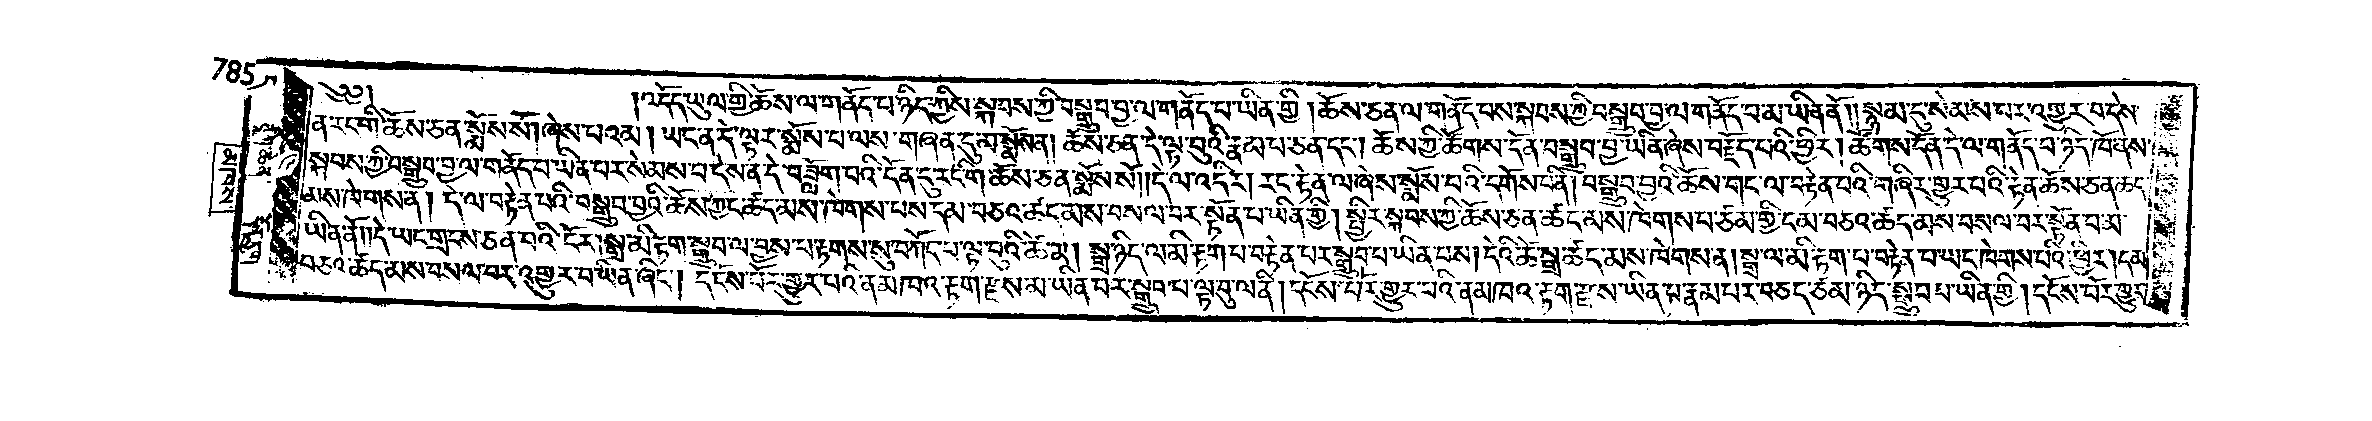༄༅། །འདོད་ཡུལ་གྱི་ཆོས་ལ་གནོད་པ་ཉིད་ཀྱིས་སྐབས་ཀྱི་བསྒྲུབ་བྱ་ལ་གནོད་པ་ཡིན་གྱི། ཆོས་ཅན་ལ་གནོད་པས་སྐབས་ཀྱི་བསྒྲུབ་བྱ་ལ་གནོད་པ་མ་ཡིན་ནོ། །སྙམ་དུ་སེམས་པར་འགྱུར་བ་དེས་
ན་རང་གི་ཆོས་ཅན་སྨོས་སོ། །ཞེས་པའམ། ཡང་ན་དེ་ལྟར་སྨོས་པ་ལས་གཞན་དུ་མ་སྨོས་ན། ཆོས་ཅན་དེ་ལྟ་བུའི་རྣམ་པ་ཅན་དང་། ཆོས་ཀྱི་ཚོགས་དོན་བསྒྲུབ་བྱ་ཡིན་ཞེས་བརྗོད་པའི་ཕྱིར། ཚོགས་དོན་དེ་ལ་གནོད་པ་ཉིད་ཁོ་ནས་
སྐབས་ཀྱི་བསྒྲུབ་བྱ་ལ་གནོད་པ་ཡིན་པར་སེམས་པ་དེས་ན་དེ་བཟློག་པའི་དོན་དུ་རང་གི་ཆོས་ཅན་སྨོས་སོ། །དེ་ལ་འདིར། རང་རྟེན་ལ་ཞེས་སྨོས་པའི་དགོས་པ་ནི། བསྒྲུབ་བྱའི་ཆོས་གང་ལ་བརྟེན་པའི་གཞིར་གྱུར་བའི་རྟེན་ཆོས་ཅན་ཆད་
མས་ཁེགས་ན། དེ་ལ་བརྟེན་པའི་བསྒྲུབ་བྱའི་ཆོས་ཀྱང་ཚད་མས་ཁེགས་པས་དམ་བཅའི་ཚད་མས་བསལ་བར་སྟོན་པ་ཡིན་གྱི། སྤྱིར་སྐབས་ཀྱི་ཆོས་ཅན་ཚད་མས་ཁེགས་པ་ཙམ་གྱི་དམ་བཅའི་ཚད་མས་བསལ་བར་སྟོན་པ་མ་
ཡིན་ནོ། །དེ་ཡང་གྲངས་ཅན་པའི་ངོར། སྒྲ་མི་རྟག་སྒྲུབ་ལ་བྱས་པ་རྟགས་སུ་བཀོད་པ་ལྟ་བུའི་ཚེ་ན། སྒྲ་ཉིད་ལ་མི་རྟག་པ་བརྟེན་པར་སྒྲུབ་པ་ཡིན་པས། དེའི་ཚེ་སྒྲ་ཚད་མས་ཁེགས་ན། སྒྲ་ལ་མི་རྟག་པ་བརྟེན་པ་ཡང་ཁེགས་པའི་ཕྱིར། དམ་
བཅའ་ཚད་མས་བསལ་བར་འགྱུར་བ་ཡིན་ཞིང་། དངོས་པོར་གྱུར་བའི་ནམ་མཁའ་རྟག་རྫས་མ་ཡིན་པར་སྒྲུབ་པ་ལྟ་བུ་ལ་ནི། དངོས་པོར་གྱུར་བའི་ནམ་མཁའ་རྟག་རྫས་ཡིན་པ་རྣམ་པར་བཅད་ཙམ་ཉིད་སྒྲུབ་པ་ཡིན་གྱི། དངོས་པོར་གྱུར་